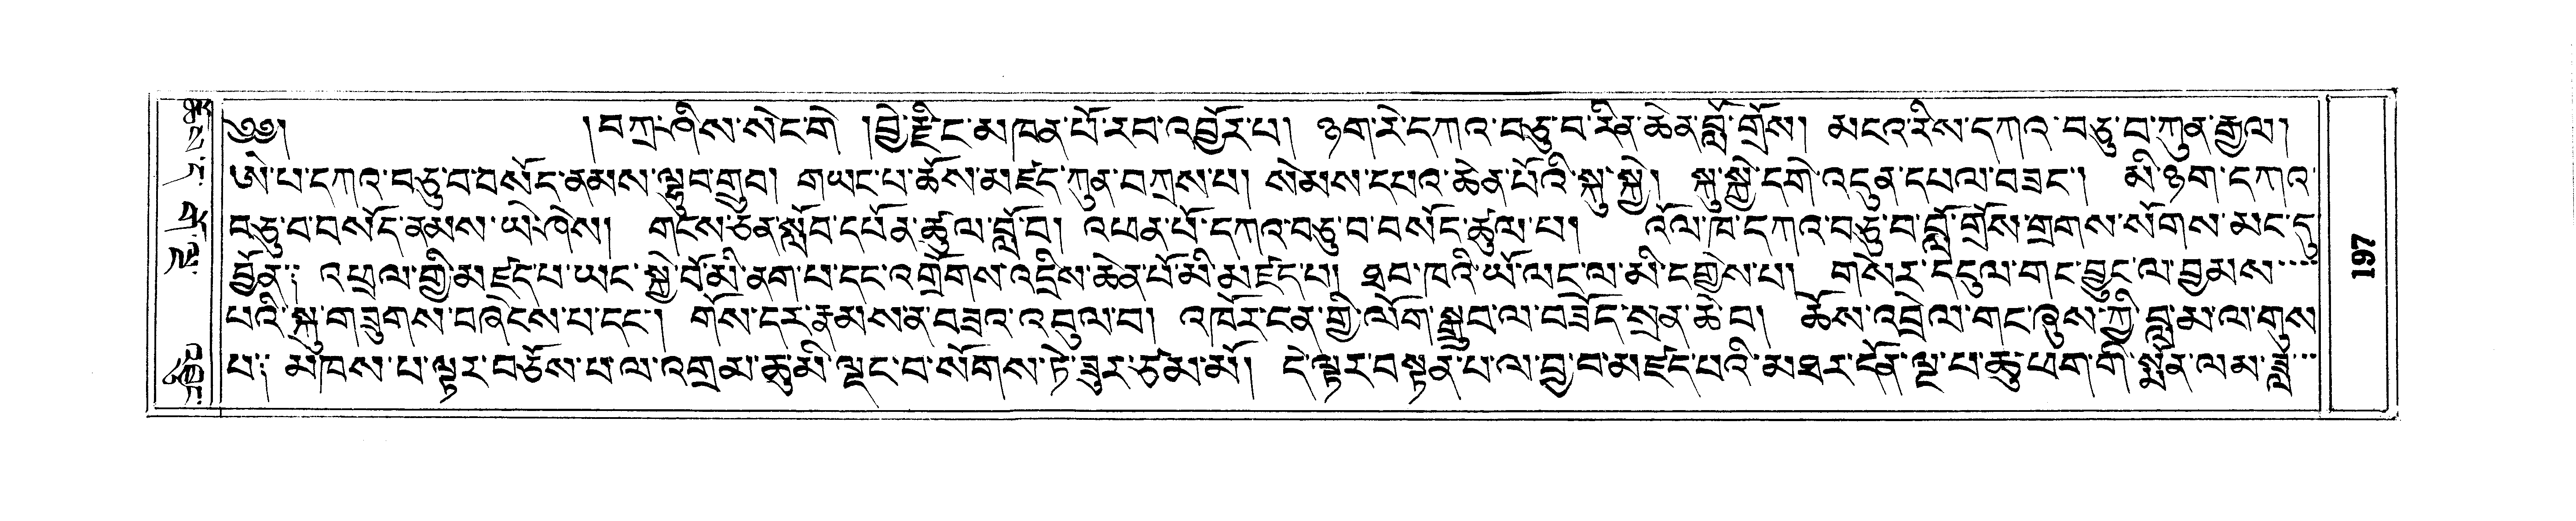༄༅། །བཀྲ་ཤིས་སེང་གེ །བྱེ་རྫིང་མཁན་པོ་རབ་འབྱོར་པ། ཉག་རེ་དཀའ་བཅུ་བ་རིན་ཆེན་བློ་གྲོས། མངའ་རིས་དཀའ་བཅུ་བ་ཀུན་རྒྱལ།
ཨེ་པ་དཀའ་བཅུ་བ་བསོད་ནམས་ལྷུབ་གྲུབ། གཡང་པ་ཆོས་མཛད་ཀུན་བཀྲས་པ། སེམས་དཔའ་ཆེན་པོའི་སྐུ་སྐྱེ། སྐུ་སྐྱེ་དགེ་འདུན་དཔལ་བཟང་། མི་ཉག་དཀའ་
བཅུ་བ་བསོད་ནམས་ཡེ་ཤེས། གངས་ཅན་སློབ་དཔོན་ཚུལ་བློ་བ། འཕན་པོ་དཀའ་བཅུ་བ་བསོད་ཚུལ་པ། འོལ་ཁ་དཀའ་བཅུ་བ་བློ་གྲོས་གྲགས་སོགས་མང་དུ་
བྱོན༑ འཕྲལ་གྱི་མཛད་པ་ཡང་སྐྱེ་བོ་མི་ནག་པ་དང་འགྲོགས་འདྲིས་ཆེན་པོ་མི་མཛད་པ། ཐབ་ཁའི་ཡོ་ལང་ལ་མི་དགྱེས་པ། གསེར་དངུལ་གང་བྱུང་ལ་བྱམས་
པའི་སྐུ་གཟུགས་བཞེངས་པ་དང་། གོས་དར་རྣམས་ན་བཟའ་འབུལ་བ། འཁོར་ངན་གྱི་ལོག་སྒྲུབ་ལ་བཟོད་སྲན་ཆེ་བ། ཆོས་འབྲེལ་གང་ཞུས་ཀྱི་བླ་མ་ལ་གུས་
པ༑ མཁས་པ་ལྟར་བཅོས་པ་ལ་འགྲམ་ཆུ་མི་ལྡང་བ་སོགས་ཏེ་ཟུར་ཙམ་མོ། དེ་ལྟར་བསྟན་པ་ལ་བྱ་བ་མཛད་པའི་མཐར་དོན་ལྔ་པ་ཆུ་ཕག་གི་སྨོན་ལམ་ཟླ་